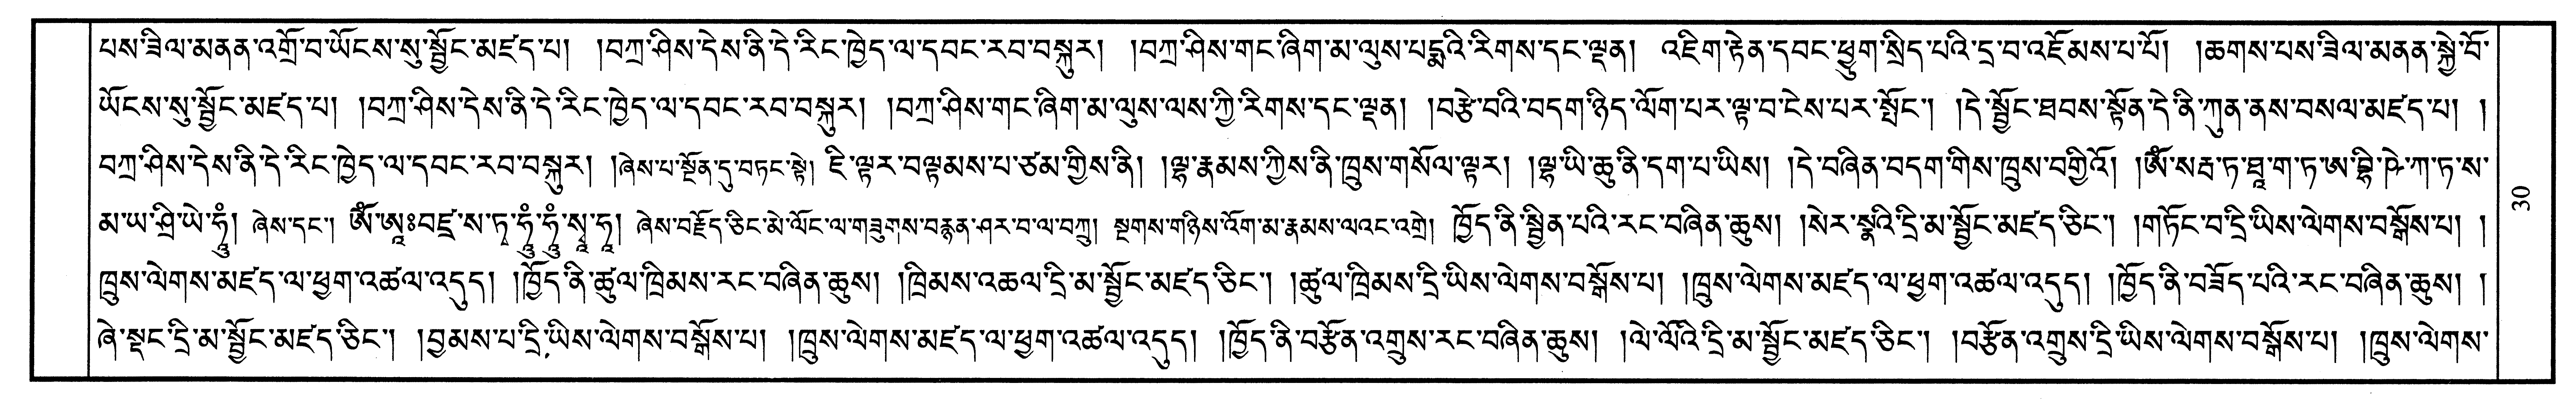པས་ཟིལ་མནན་འགྲོ་བ་ཡོངས་སུ་སྦྱོང་མཛད་པ། །བཀྲ་ཤིས་དེས་ནི་དེ་རིང་ཁྱེད་ལ་དབང་རབ་བསྐུར། །བཀྲ་ཤིས་གང་ཞིག་མ་ལུས་པདམའི་རིགས་དང་ལྡན། འཇིག་རྟེན་དབང་ཕྱུག་སྲིད་པའི་དྲ་བ་འཇོམས་པ་པོ། །ཆགས་པས་ཟིལ་མནན་སྐྱེ་བོ་
ཡོངས་སུ་སྦྱོང་མཛད་པ། །བཀྲ་ཤིས་དེས་ནི་དེ་རིང་ཁྱེད་ལ་དབང་རབ་བསྐུར། །བཀྲ་ཤིས་གང་ཞིག་མ་ལུས་ལས་ཀྱི་རིགས་དང་ལྡན། །བརྩེ་བའི་བདག་ཉིད་ལོག་པར་ལྟ་བ་ངེས་པར་སྤོང་། །དེ་སྦྱོང་ཐབས་སྟོན་དེ་ནི་ཀུན་ནས་བསལ་མཛད་པ། །
བཀྲ་ཤིས་དེས་ནི་དེ་རིང་ཁྱེད་ལ་དབང་རབ་བསྐུར། །ཞེས་པ་སྔོན་དུ་བཏང་སྟེ། ཇི་ལྟར་བལྟམས་པ་ཙམ་གྱིས་ནི། །ལྷ་རྣམས་ཀྱིས་ནི་ཁྲུས་གསོལ་ལྟར། །ལྷ་ཡི་ཆུ་ནི་དག་པ་ཡིས། །དེ་བཞིན་བདག་གིས་ཁྲུས་བགྱིའོ། །ཨོཾ་སརྦ་ཏ་ཐཱ་ག་ཏ་ཨ་བྷི་ཥེ་ཀ་ཏ་ས་
མ་ཡ་ཤྲི་ཡེ་ཧཱུཾ། ཞེས་དང་། ཨོཾ་ཨཱཿ བཛྲ་ས་ཏྭ་ཧཱུཾ་ཧཱུཾ་སྭཱ་ཧཱ། ཞེས་བརྗོད་ཅིང་མེ་ལོང་ལ་གཟུགས་བརྙན་ཤར་བ་ལ་བཀྲུ། སྔགས་གཉིས་འོག་མ་རྣམས་ལའང་འགྲེ། ཁྱོད་ནི་སྦྱིན་པའི་རང་བཞིན་ཆུས། །སེར་སྣའི་དྲི་མ་སྦྱོང་མཛད་ཅིང་། །གཏོང་བ་དྲི་ཡིས་ལེགས་བསྒོས་པ། །
ཁྲུས་ལེགས་མཛད་ལ་ཕྱག་འཚལ་འདུད། །ཁྱོད་ནི་ཚུལ་ཁྲིམས་རང་བཞིན་ཆུས། །ཁྲིམས་འཆལ་དྲི་མ་སྦྱོང་མཛད་ཅིང་། །ཚུལ་ཁྲིམས་དྲི་ཡིས་ལེགས་བསྒོས་པ། །ཁྲུས་ལེགས་མཛད་ལ་ཕྱག་འཚལ་འདུད། །ཁྱོད་ནི་བཟོད་པའི་རང་བཞིན་ཆུས། །
ཞེ་སྡང་དྲི་མ་སྦྱོང་མཛད་ཅིང་། །བྱམས་པ་དྲི་ཡིས་ལེགས་བསྒོས་པ། །ཁྲུས་ལེགས་མཛད་ལ་ཕྱག་འཚལ་འདུད། །ཁྱོད་ནི་བརྩོན་འགྲུས་རང་བཞིན་ཆུས། །ལེ་ལོའི་དྲི་མ་སྦྱོང་མཛད་ཅིང་། །བརྩོན་འགྲུས་དྲི་ཡིས་ལེགས་བསྒོས་པ། །ཁྲུས་ལེགས་